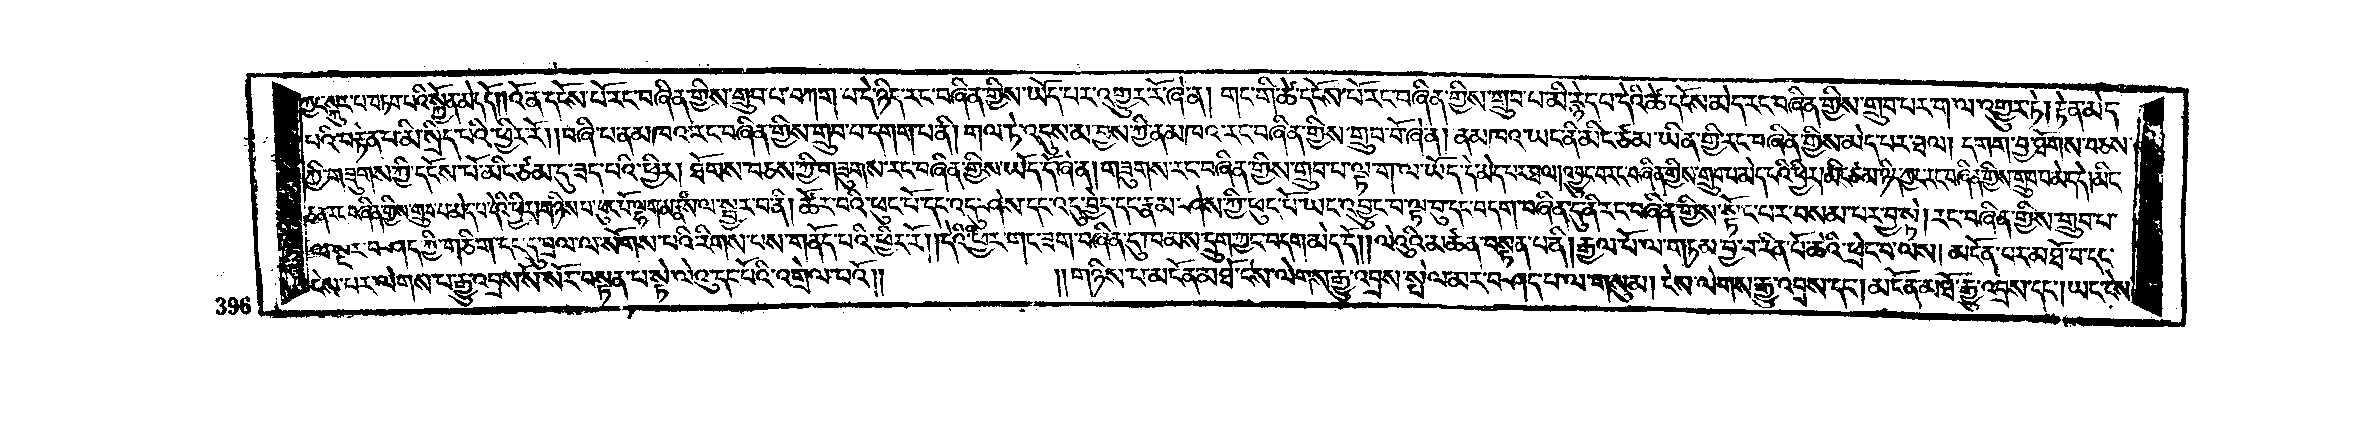ཀྱང་སྐུར་བ་བཏབ་པའི་སྐྱོན་མེད་དོ། །འོ་ན་དངོས་པོ་རང་བཞིན་གྱིས་གྲུབ་པ་བཀག་པ་དེ་ཉིད་རང་བཞིན་གྱིས་ཡོད་པར་འགྱུར་རོ་ཞེ་ན། གང་གི་ཚེ་དངོས་པོ་རང་བཞིན་གྱིས་གྲུབ་པ་མི་རྙེད་པ་དེའི་ཚེ་དངོས་མེད་རང་བཞིན་གྱིས་གྲུབ་པར་ག་ལ་འགྱུར་ཏེ། རྟེན་མེད་
པའི་བརྟེན་པ་མི་སྲིད་པའི་ཕྱིར་རོ། །བཞི་པ་ནམ་མཁའ་རང་བཞིན་གྱིས་གྲུབ་པ་དགག་པ་ནི། གལ་ཏེ་འདུས་མ་བྱས་ཀྱི་ནམ་མཁའ་རང་བཞིན་གྱིས་གྲུབ་བོ་ཞེ་ན། ནམ་མཁའ་ཡང་ནི་མིང་ཙམ་ཡིན་གྱི་རང་བཞིན་གྱིས་མེད་པར་ཐལ། དགག་བྱ་ཐོགས་བཅས་
ཀྱི་གཟུགས་ཀྱི་དངོས་པོ་མིང་ཙམ་དུ་ཟད་པའི་ཕྱིར། ཐོགས་བཅས་ཀྱི་གཟུགས་རང་བཞིན་གྱིས་ཡོད་དོ་ཞེ་ན། གཟུགས་རང་བཞིན་གྱིས་གྲུབ་པ་ལྟ་ག་ལ་ཡོད་དེ་མེད་པར་ཐལ། འབྱུང་བ་རང་བཞིན་གྱིས་གྲུབ་པ་མེད་པའི་ཕྱིར། མིང་ཙམ་ཉིད་ཀྱང་རང་བཞིན་གྱིས་གྲུབ་པ་མེད་དེ། མིང་
ཅན་རང་བཞིན་གྱིས་གྲུབ་པ་མེད་པ་དེའི་ཕྱིར། གཉིས་པ་ཕུང་པོ་ལྷག་མ་རྣམས་ལ་སྦྱར་བ་ནི། ཚོར་བའི་ཕུང་པོ་དང་འདུ་ཤེས་དང་འདུ་བྱེད་དང་རྣམ་ཤེས་ཀྱི་ཕུང་པོ་ཡང་འབྱུང་བ་ལྟ་བུ་དང་བདག་བཞིན་དུ་ནི་རང་བཞིན་གྱིས་སྟོང་པར་བསམ་པར་བྱ་སྟེ། རང་བཞིན་གྱིས་གྲུབ་པ་
ལ་སྔར་བཤད་ཀྱི་གཅིག་དང་དུ་བྲལ་ལ་སོགས་པའི་རིགས་པས་གནོད་པའི་ཕྱིར་རོ། །དེའི་ཕྱིར་གང་ཟག་བཞིན་དུ་ཁམས་དྲུག་ཀྱང་བདག་མེད་དོ། །ལེའུའི་མཚན་བསྟན་པ་ནི། རྒྱལ་པོ་ལ་གཏམ་བྱ་བ་རིན་པོ་ཆེའི་ཕྲེང་བ་ལས། མངོན་པར་མཐོ་བ་དང་
ངེས་པར་ལེགས་པ་རྒྱུ་འབྲས་སོ་སོར་བསྟན་པ་སྟེ་ལེའུ་དང་པོའི་འགྲེལ་པའོ།། །།གཉིས་པ་མངོན་མཐོ་ངེས་ལེགས་རྒྱུ་འབྲས་སྤེལ་མར་བཤད་པ་ལ་གསུམ། ངེས་ལེགས་རྒྱུ་འབྲས་དང་། མངོན་མཐོ་རྒྱུ་འབྲས་དང་། ཡང་ངེས་